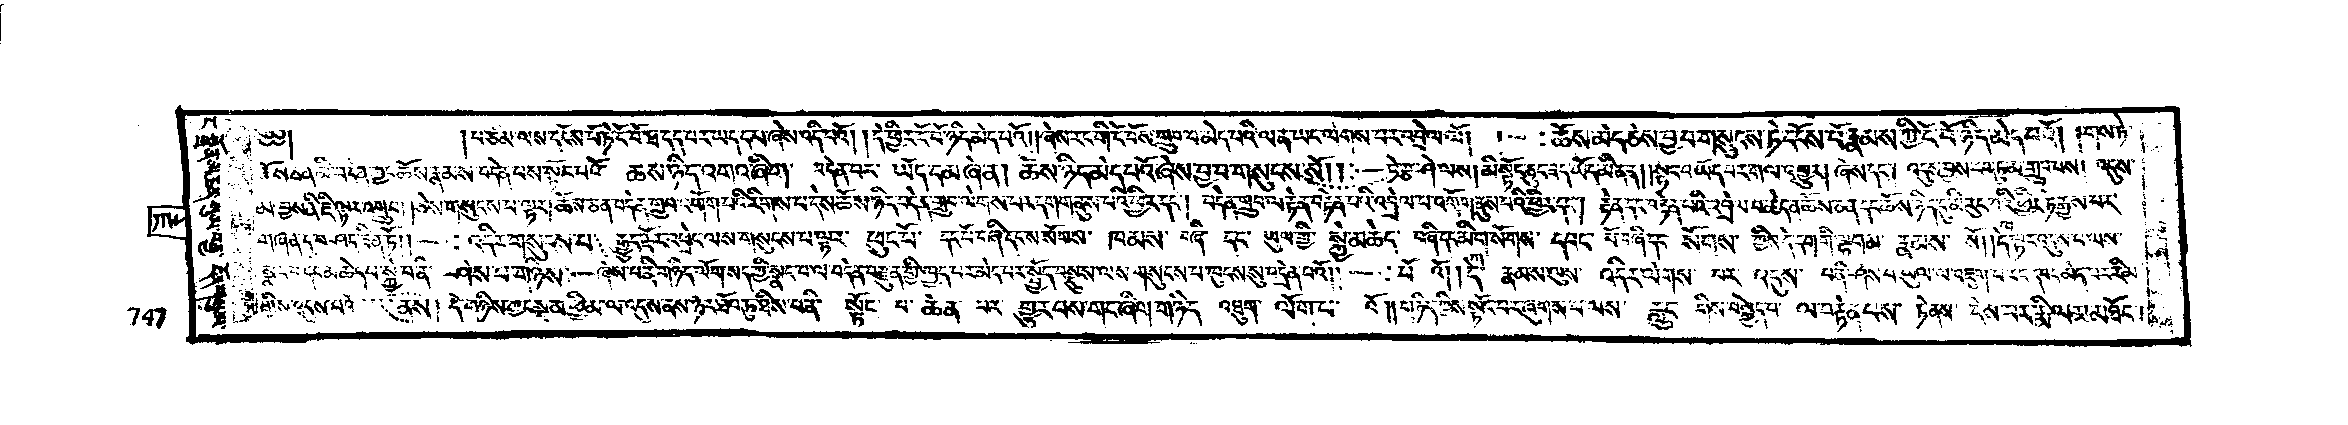༄༅། །པ་ཙམ་ལས་དངོས་པོ་ཏེ་ངོ་བོ་ཐ་དད་པར་ཡོད་དམ་ཞེས་འདི་པའོ། །དེ་ཕྱིར་ངོ་བོ་ཉིད་མེད་པའོ། །ཞེས་རང་གི་ངོ་བོས་གྲུབ་པ་མེད་པའི་ལན་ཡང་ལེགས་པར་འབྲེལ་ལོ། །.H ཆོས་མེད་ཅེས་བྱ་བ་གསུངས་ཏེ་དངོས་པོ་རྣམས་ཀྱི་ངོ་བོ་ཉིད་མེད་པའོ། །གལ་ཏེ་
ཆས་ཅན་མི་བདེན་ཀྱང་ཆོས་རྣམས་བདེན་པས་སྟོང་པའི་ཆས་ཉིད་འགའ་ཞིག་བདེན་པར་ཡོད་དམ་ཞེ་ན། ཆོས་ཉིད་མེད་པའོ་ཞེས་བྱ་བ་གསུངས་སོ། ། H.་ཏེ་རྩ་ཤེ་ལས། མི་སྟོང་ཅུང་ཟད་ཡོད་མིན་ན། །སྟོང་པ་ཡིད་པར་གལ་འགྱུར། ཞེས་དང་། འདུས་བྱས་རབ་ཏུ་མ་གྲུབ་པས། །འདུས་
མ་བྱས་ནི་ཇི་ལྟར་འགྲུབ། །ཅེས་གསུངས་པ་ལྟར། ཆོས་ཅན་བདེན་གྲུབ་འགོག་པའི་རིགས་པ་དེས་ཆོས་ཉིད་བདེན་གྲུབ་ལེགས་པར་དགག་ནུས་པའི་ཕྱིར་དང་། བདེན་གྲུབ་ལ་རྟེན་བརྟེན་པའི་འབྲེལ་པ་འགོག་ནུས་པའི་ཕྱིར་དང་། རྟེན་དང་བརྟེན་པའི་འབྲེལ་བ་མེད་ན་ཆོས་ཅན་དང་ཆོས་ཉིད་དུ་མི་རུང་བའི་ཕྱིར་ཏེ་རྒྱས་པར་
གཞན་དུ་བཤད་ཟིན་ཏོ། །.H འདིར་གསུངས་པ་རྒྱུད་རྡོར་འཕྲེང་ལས་གསུངས་པ་ལྟར་ཕུང་པོ་དང་པོ་བཞེ་?་དང་ས་སོགས་ཁམས་བཞི་དང་ཡུལ་གྱི་སྐྱེ་མཆེད་བཞི་དང་མིག་སོགས་དབང་པོ་བཞི་དང་སོགས་ཀྱིས་དེ་དག་གི་ལྷག་མ་རྣམས་སོ། །དེ་ཁ་དེ་ལྟར་འདུས་པ་ལས་
སྣང་བ་དང་མཆེད་པ་སྐྱེ་བ་ནི་ཤེས་པ་གཉིས་H.་ཞེས་པ་ནི་གཉིད་ལོག་སད་ཀྱི་སྣང་བ་ལ་བདེན་བརྫུན་གྱི་ཁྱད་པར་མེད་པར་སྤྱོད་བསྡུས་ལས་གསུངས་པ་ཁུངས་སུ་འདྲེན་པའོ།། .H པོའོ། །དེ་ག་རྣམས་ལུས་འདིར་ལེགས་པར་འདུས་པ་ནི་ཤེས་པ་ཡུལ་ལ་འཇུག་པ་རང་དབང་མེད་པར་རིམ་
གྱིས་འདུས་པའོ་ནས། ཡ་དེ་གཉིས་ཀྱང་སྔ་མ་ཕྱི་མ་ལ་འདུས་ནས་ཉེར་ཐོབ་ཏུ་ཐིམ་པ་ནི། སྟོང་པ་ཆེན་པར་གྱུར་པས་གང་ཞིང་གཉིད་འཐུག་ལོག་པ་འོ། གཉིད་ཀྱིས་སྟོང་པར་ཞུགས་པ་ལས་རླུང་གིས་བསྐྱེད་པ་ལ་བརྟེན་པས་ཏེ་ནས། ངེས་པར་རྨི་ལམ་མཐོང་།